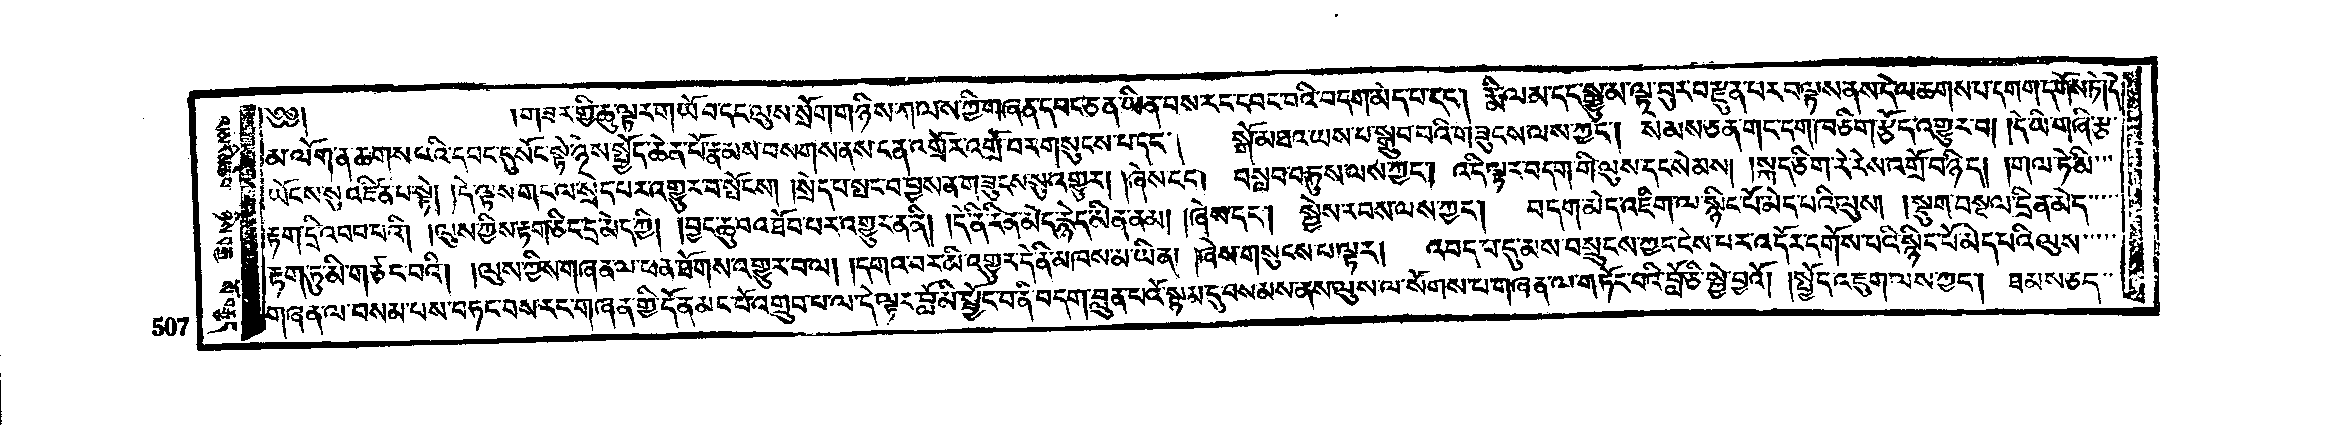༄༅། །གཟར་གྱི་ཆུ་ལྟར་གཡོ་བ་དང་ལུས་སྲོག་གཉིས་ཀ་ལས་ཀྱི་གཞན་དབང་ཅན་ཡིན་པས་རང་དབང་བའི་བདག་མེད་པ་དང་། རྨི་ལམ་དང་སྒྱུ་མ་ལྟ་བུར་བརྫུན་པར་བལྟས་ནས་དེ་ལ་ཆགས་པ་དགག་དགོས་ཏེ། དེ་
མ་ལོག་ན་ཆགས་པའི་དབང་དུ་སོང་སྟེ་ཉེས་སྤྱོད་ཆེན་པོ་རྣམས་བསགས་ནས་ངན་འགྲོར་འགྲོ་བར་གསུངས་པ་དང་། སྒོ་མཐའ་ཡས་པ་སྒྲུབ་པའི་གཟུངས་ལས་ཀྱང་། སེམས་ཅན་གང་དག་ཁ་ཅིག་རྩོད་འགྱུར་བ། །དེ་ཡི་གཞི་རྩ་
ཡོངས་སུ་འཛིན་པ་སྟེ། །དེ་ལྟས་གང་ལ་སྲེད་པར་འགྱུར་བ་སྤོངས། །སྲེད་པ་སྤང་བ་བྱས་ན་གཟུངས་སུ་འགྱུར། །ཞེས་དང་། བསླབ་བཏུས་ལས་ཀྱང་། འདི་ལྟར་བདག་གི་ལུས་དང་སེམས། །སྐད་ཅིག་རེ་རེས་འགྲོ་བ་ཉིད། །གལ་ཏེ་མི་
རྟག་དྲི་འབབ་པའི། །ལུས་ཀྱིས་རྟག་ཅིང་དྲི་མེད་ཀྱི། །བྱང་ཆུབ་འཐོབ་པར་འགྱུར་ན་ནི། །དེ་ནི་རིན་མེད་རྙེད་མིན་ནམ། །ཞེས་དང་། སྐྱེས་རབས་ལས་ཀྱང་། བདག་མེད་འཇིག་ལ་སྙིང་པོ་མེད་པའི་ལུས། །སྡུག་བསྔལ་དྲིན་མེད་
རྟག་ཏུ་མི་གཙང་བའི། །ལུས་ཀྱིས་གཞན་ལ་ཕན་ཐོགས་འགྱུར་བ་ལ། །དགའ་བར་མི་འགྱུར་དེ་ནི་མཁས་མ་ཡིན། །ཞེས་གསུངས་པ་ལྟར། འབད་པ་དུ་མས་བསྲུངས་ཀྱང་ངེས་པར་འདོར་དགོས་པའི་སྙིང་པོ་མེད་པའི་ལུས་
གཞན་ལ་བསམ་པས་བཏང་བས་རང་གཞན་གྱི་དོན་མང་པོ་འགྲུབ་པ་ལ་དེ་ལྟར་བློ་མི་སྦྱོང་བ་ནི་བདག་བླུན་པའོ་སྙམ་དུ་བསམས་ནས་ལུས་ལ་སོགས་པ་གཞན་ལ་གཏོང་བའི་བློ་ཅི་སྐྱེ་བྱའོ། །སྤྱོད་འཇུག་ལས་ཀྱང་། ཐམས་ཅད་